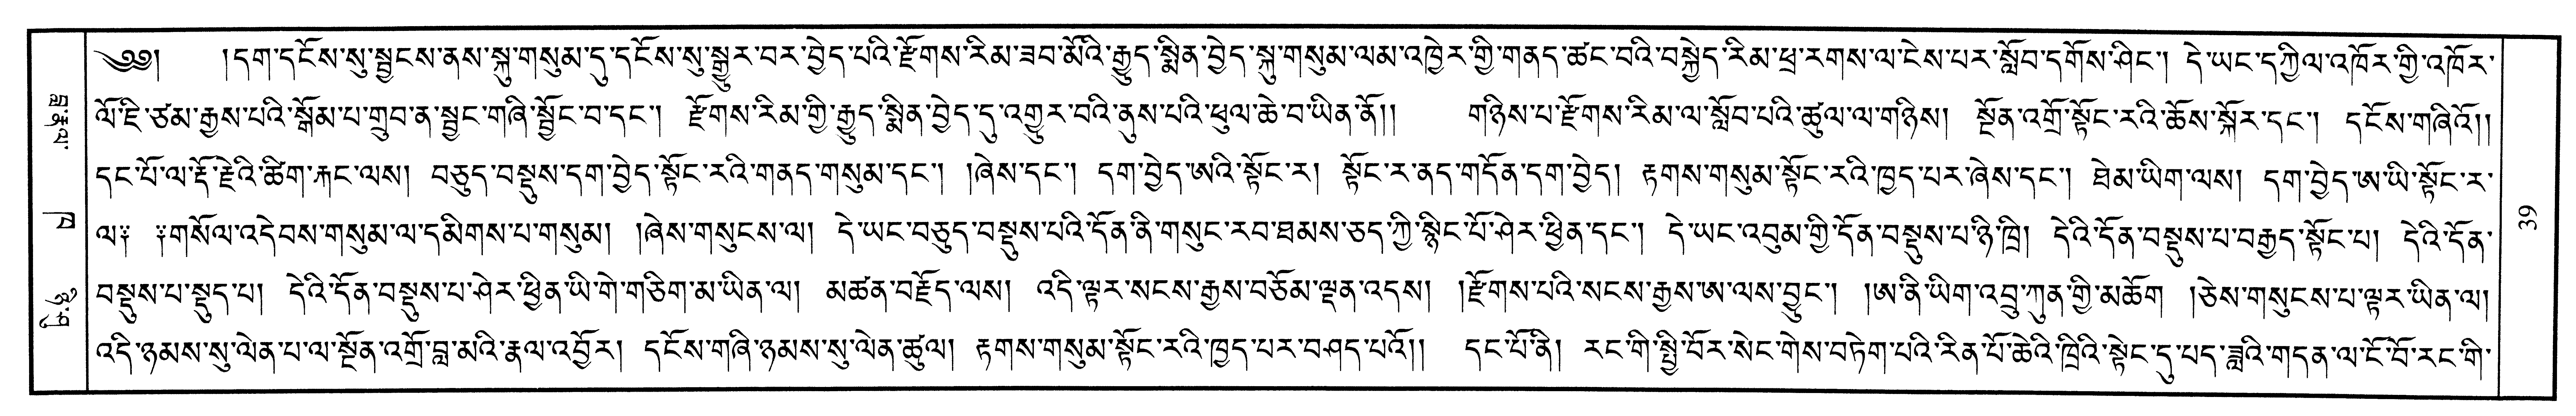༄༅། །དག་དངོས་སུ་སྦྱངས་ནས་སྐུ་གསུམ་དུ་དངོས་སུ་སྒྱུར་བར་བྱེད་པའི་རྫོགས་རིམ་ཟབ་མོའི་རྒྱུད་སྨིན་བྱེད་སྐུ་གསུམ་ལམ་འཁྱེར་གྱི་གནད་ཚང་བའི་བསྐྱེད་རིམ་ཕྲ་རགས་ལ་ངེས་པར་སློབ་དགོས་ཤིང་། དེ་ཡང་དཀྱིལ་འཁོར་གྱི་འཁོར་
ལོ་ཇི་ཙམ་རྒྱས་པའི་སྒོམ་པ་གྲུབ་ན་སྦྱང་གཞི་སྦྱོང་བ་དང་། རྫོགས་རིམ་གྱི་རྒྱུད་སྨིན་བྱེད་དུ་འགྱུར་བའི་ནུས་པའི་ཕུལ་ཆེ་བ་ཡིན་ནོ།། གཉིས་པ་རྫོགས་རིམ་ལ་སློབ་པའི་ཚུལ་ལ་གཉིས། སྔོན་འགྲོ་སྟོང་རའི་ཆོས་སྐོར་དང་། དངོས་གཞིའོ།།
དང་པོ་ལ་རྡོ་རྗེའི་ཚིག་རྐང་ལས། བཅུད་བསྡུས་དག་བྱེད་སྟོང་རའི་གནད་གསུམ་དང་། །ཞེས་དང་། དག་བྱེད་ཨཱི་སྟོང་ར། སྟོང་ར་ནད་གདོན་དག་བྱེད། རྟགས་གསུམ་སྟོང་རའི་ཁྱད་པར་ཞེས་དང་། ཐེམ་ཡིག་ལས། དག་བྱེད་ཨ་ཡི་སྟོང་ར་
ལ༑ ༑གསོལ་འདེབས་གསུམ་ལ་དམིགས་པ་གསུམ། །ཞེས་གསུངས་ལ། དེ་ཡང་བཅུད་བསྡུས་པའི་དོན་ནི་གསུང་རབ་ཐམས་ཅད་ཀྱི་སྙིང་པོ་ཤེར་ཕྱིན་དང་། དེ་ཡང་འབུམ་གྱི་དོན་བསྡུས་པ་ཉི་ཁྲི། དེའི་དོན་བསྡུས་པ་བརྒྱད་སྟོང་པ། དེའི་དོན་
བསྡུས་པ་སྡུད་པ། དེའི་དོན་བསྡུས་པ་ཤེར་ཕྱིན་ཡི་གེ་གཅིག་མ་ཡིན་ལ། མཚན་བརྗོད་ལས། འདི་ལྟར་སངས་རྒྱས་བཅོམ་ལྡན་འདས། །རྫོགས་པའི་སངས་རྒྱས་ཨ་ལས་བྱུང་། །ཨ་ནི་ཡིག་འབྲུ་ཀུན་གྱི་མཆོག །ཅེས་གསུངས་པ་ལྟར་ཡིན་ལ།
འདི་ཉམས་སུ་ལེན་པ་ལ་སྔོན་འགྲོ་བླ་མའི་རྣལ་འབྱོར། དངོས་གཞི་ཉམས་སུ་ལེན་ཚུལ། རྟགས་གསུམ་སྟོང་རའི་ཁྱད་པར་བཤད་པའོ།། དང་པོ་ནི། རང་གི་སྤྱི་བོར་སེང་གེས་བཏེག་པའི་རིན་པོ་ཆེའི་ཁྲིའི་སྟེང་དུ་པད་ཟླའི་གདན་ལ་ངོ་བོ་རང་གི་